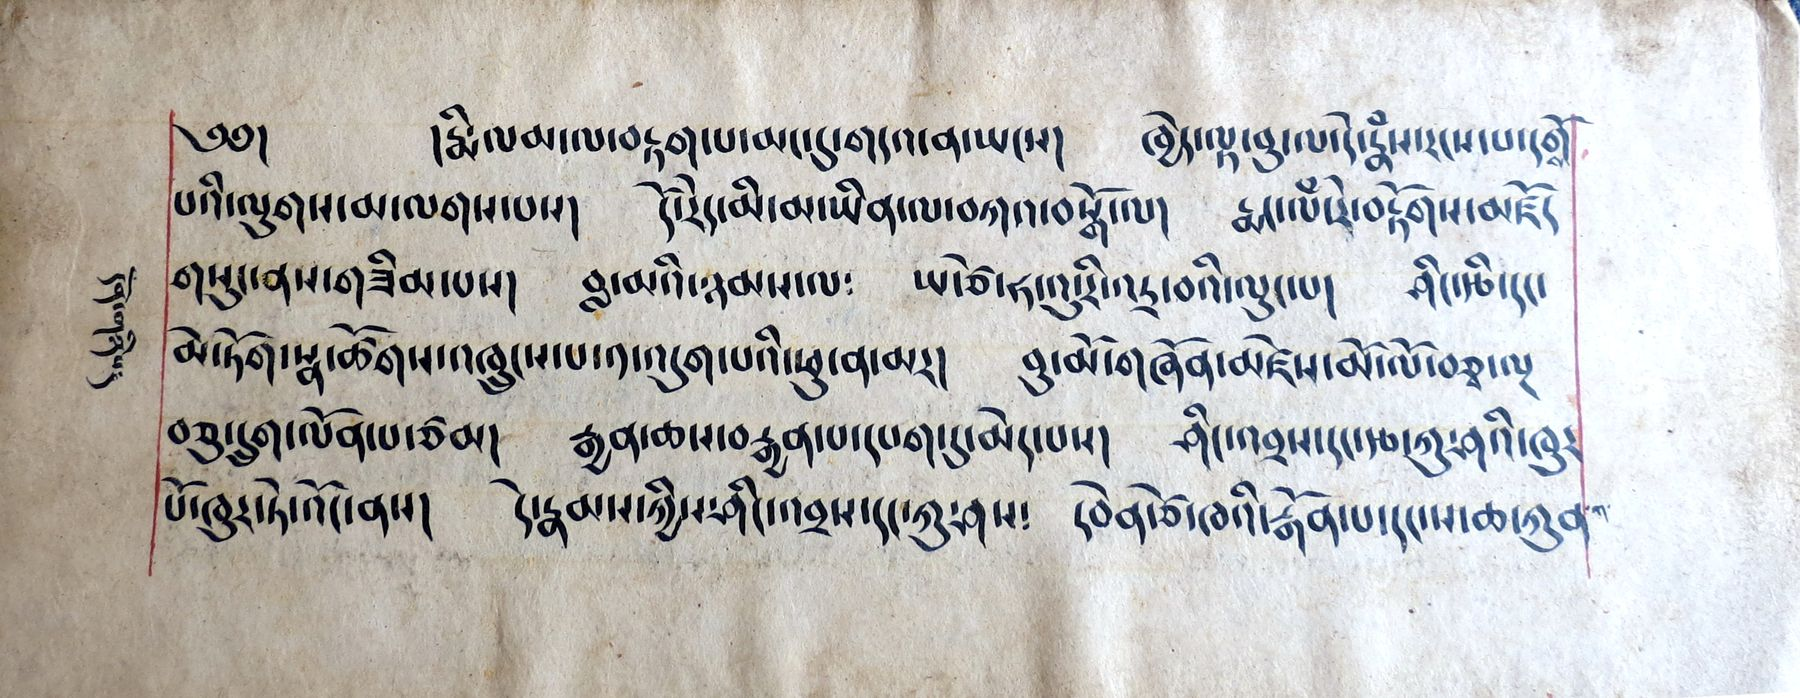རྨི་ལམ་ལ་བརྟག་པ་དང་མང་དུ་གདའ་ན་ཡང་། ཁྱེད་ལྟ་བུ་ལ་དེ་རྣམས་རངས་པ་དགོས་
པའི་ལུགས་མ་ལགས་པས། དོ་རེད་མི་མ་ཡིན་ལ་བཀའ་བསྒོས་ལ་རྨི་ལམ་རེ་རྟོག་མཛོད་
གསུང་ནས་གཟིམས་པས། བླ་མའི་ཉམས་ལ། ཡ་རྩེ་ཧ་འུ་རི་འདྲ་བའི་ལུང་པ་ཤིང་རྩི་དང་
མེ་ཏོག་སྣ་ཚོགས་འཁྲུངས་པ་ཅིག་་འདུག་པའི་ཕུ་ན་མར། བུ་མོ་གཞོན་མཛེས་མོ་ལོ་བཅོ་ལྔ་
བཅུ་དྲུག་ལོན་པ་ཙམ། རྒྱན་ཆས་བརྒྱན་པ་དཔག་ཏུ་མེད་པས་ཤིང་འབྲས་དང་རྩ་ཀུ་ཤའི་ཁུར་
པོ་ཁུར་ཏེ་འོང་ནས། དེ་རྣམས་ཀྱིས་ཤིང་འབྲས་དང་ཀུ་ཤས་དབེན་ཙེ་ཁའི་དགོན་པ་དང་ས་ཆ་ཀུན་ཀ་